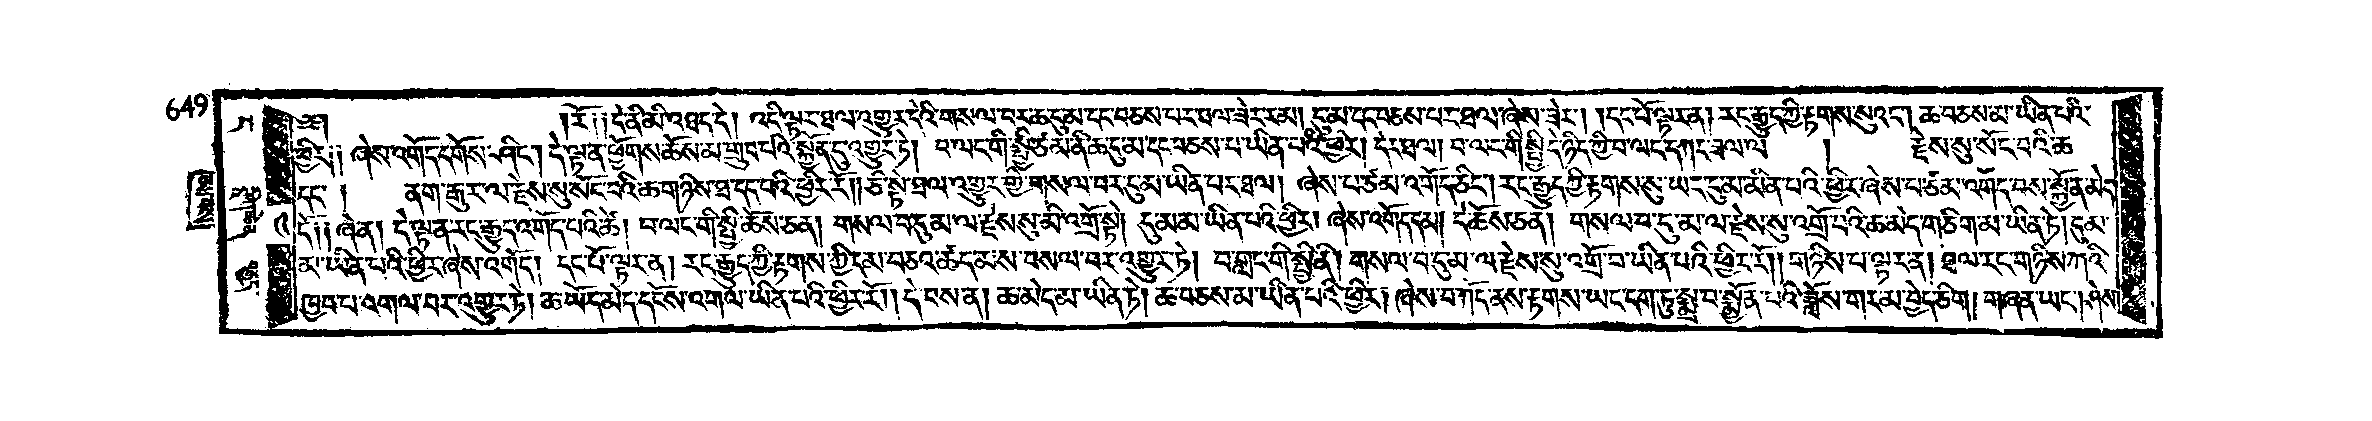༄༅། །རོ། །དེ་ནི་མི་འཐད་དེ། འདི་ལྟར་ཐལ་འགྱུར་དེའི་གསལ་བར་ཆ་དུ་མ་དང་བཅས་པར་ཐལ་ཟེར་རམ། དུ་མ་དང་བཅས་པར་ཐལ་ཞེས་ཟེར། །དང་པོ་ལྟར་ན། རང་རྒྱུད་ཀྱི་རྟགས་སུའང་། ཆ་བཅས་མ་ཡིན་པའི་
ཕྱིར། །ཞེས་འགོད་དགོས་ཤིང་། དེ་ལྟ་ན་ཕྱོགས་ཆོས་མ་གྲུབ་པའི་སྐྱོན་དུ་འགྱུར་ཏེ། བ་ལང་གི་སྤྱི་ཙམ་ནི་ཆ་དུ་མ་དང་བཅས་པ་ཡིན་པའི་ཕྱིར། དེར་ཐལ། བ་ལང་གི་སྤྱི་དེ་ཉིད་ཀྱི་བ་ལང་དཀར་ཟལ་ལ། རྗེས་སུ་སོང་བའི་ཆ་
དང་། ནག་རྒུར་ལ་རྗེས་སུ་སོང་བའི་ཆ་གཉིས་ཐ་དད་པའི་ཕྱིར་རོ། །ཅི་སྟེ་ཐལ་འགྱུར་གྱི་གསལ་བར་དུ་མ་ཡིན་པར་ཐལ། ཞེས་པ་ཙམ་འགོད་ཅིང་། རང་རྒྱུད་ཀྱི་རྟགས་སུ་ཡང་དུ་མ་ཡིན་པའི་ཕྱིར་ཞེས་པ་ཙམ་འགོད་པས་སྐྱོན་མེད་
དོ། །ཞེ་ན། དེ་ལྟ་ན་རང་རྒྱུད་འགོད་པའི་ཚེ། བ་ལང་གི་སྤྱི་ཆོས་ཅན། གསལ་བ་དུ་མ་ལ་རྗེས་སུ་མི་འགྲོ་སྟེ། དུ་མ་མ་ཡིན་པའི་ཕྱིར། ཞེས་འགོད་དམ། དེ་ཆོས་ཅན། གསལ་བ་དུ་མ་ལ་རྗེས་སུ་འགྲོ་བའི་ཆ་མེད་གཅིག་མ་ཡིན་ཏེ། དུ་མ་
མ་ཡིན་པའི་ཕྱིར་ཞེས་འགོད། དང་པོ་ལྟར་ན། རང་རྒྱུད་ཀྱི་རྟགས་ཀྱི་དམ་བཅའ་ཚད་མས་བསལ་བར་འགྱུར་ཏེ། བ་གླང་གི་སྤྱི་ནི། གསལ་བ་དུ་མ་ལ་རྗེས་སུ་འགྲོ་བ་ཡིན་པའི་ཕྱིར་རོ། །གཉིས་པ་ལྟར་ན། ཐལ་རང་གཉིས་ཀའི་
ཁྱབ་པ་འགལ་བར་འགྱུར་ཏེ། ཆ་ཡོད་མེད་དངོས་འགལ་ཡིན་པའི་ཕྱིར་རོ། །དེ་བས་ན། ཆ་མེད་མ་ཡིན་ཏེ། ཆ་བཅས་མ་ཡིན་པའི་ཕྱིར། ཞེས་བཀོད་ནས་རྟགས་ཡང་དག་ཏུ་སྨྲ་བ་སྨྱོན་པའི་ཟློས་གར་མ་བྱེད་ཅིག །གཞན་ཡང་། ཤེས་